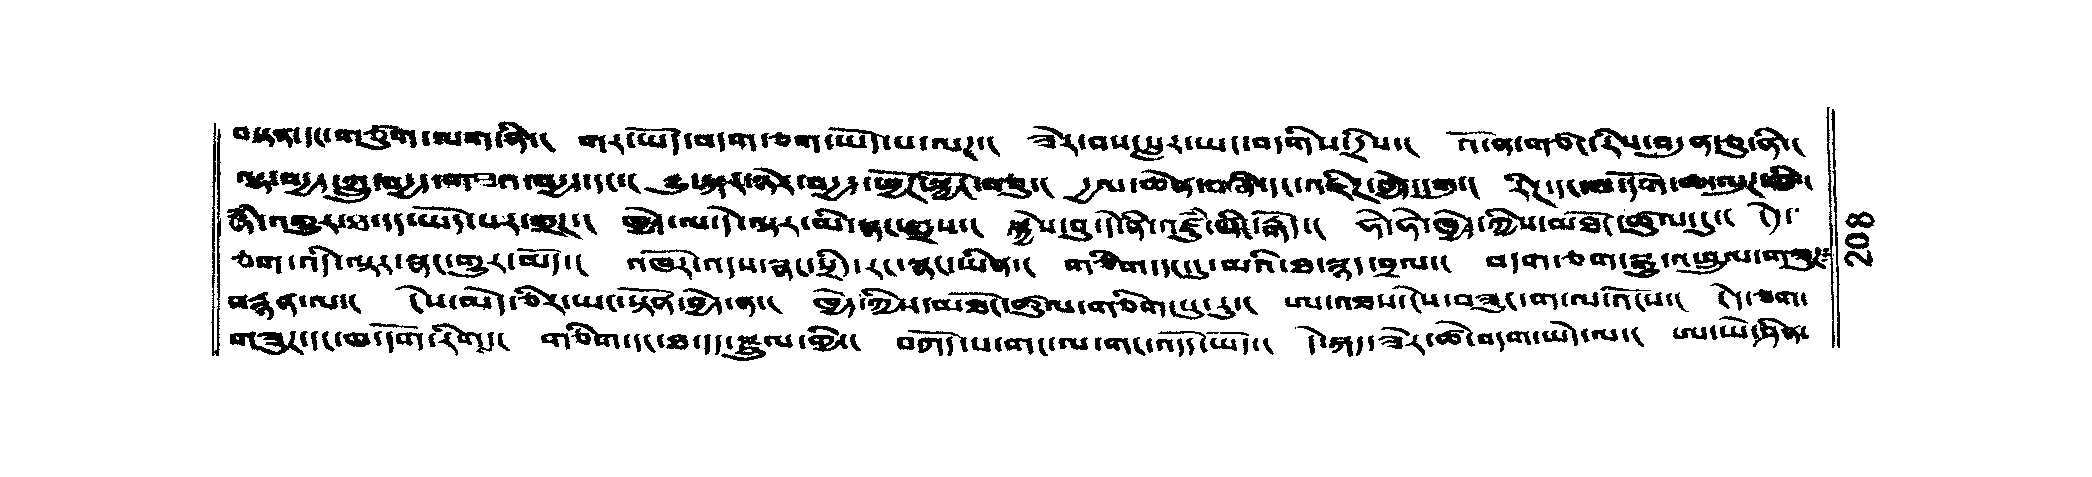བསྟན་དང་གཙུག་ལག་ནི། །གར་ཡོད་བདག་ཅག་ཡོད་པ་ལགས། །ཟེར་བས་སླར་ཡང་བདག་གིས་དྲིས། །འོ་ན་གཅང་རིས་བདུན་ཅུ་ནི། །
ལྷ་བརྒྱད་ཀླུ་བརྒྱད་གཟའ་བརྒྱད་དང་། །རྒྱུ་སྐར་ཉེར་བརྒྱད་ཕྱོགས་སྐྱོང་བཅུ། རྒྱལ་ཆེན་བཞི་དང་འཇིགས་བྱེད་དགུ། །རིགས་དང་ཁ་དོག་ཆ་ལུགས་ཀྱི། །
རྣམ་འགྱུར་ཐ་དད་ཡོད་པར་གྲགས། །ཁྱེད་ལ་དེ་ལྟར་མི་སྣང་སྨྲས། །སྐྱེས་བུ་དེ་ནི་འཛུམ་ཞིང་རྒོད། །ཧེ་ཧེ་ཁྱེད་ཀྱིས་མཐོང་ཚུལ་དུ། །ངེད་
ཅག་འདི་ལྟར་སྣང་གྱུར་མོད། །འཁོར་འདས་སྣང་སྲིད་རང་སྣང་ཡིན། །གཅིག་དང་དུ་མའི་ཐ་སྙད་བྲལ། །བདག་ཅག་སྒྱུ་འཕྲུལ་གཟུགས་
བརྙན་ལ། །ངེས་མེད་ཅིར་ཡང་སྟོན་བྱེད་ན། །ཁྱེད་ཀྱིས་མཐོང་ཚུལ་གཅིག་པུ་རུ། །ཨ་འཐས་ངེས་བཟུང་ག་ལ་འོངས། །ངེད་ཅག་
གཟུགས་དང་ཁ་དོག་རིགས། །གཅིག་དང་ཐ་དད་རྫུ་འཕྲུལ་གྱི། །བཀོད་པ་གང་ལ་གང་འདོད་ཡོད། །དེ་སྐད་ཟེར་ཚེ་བདག་ཡེད་ལ། །ཨ་ཡེ་ཤིན་